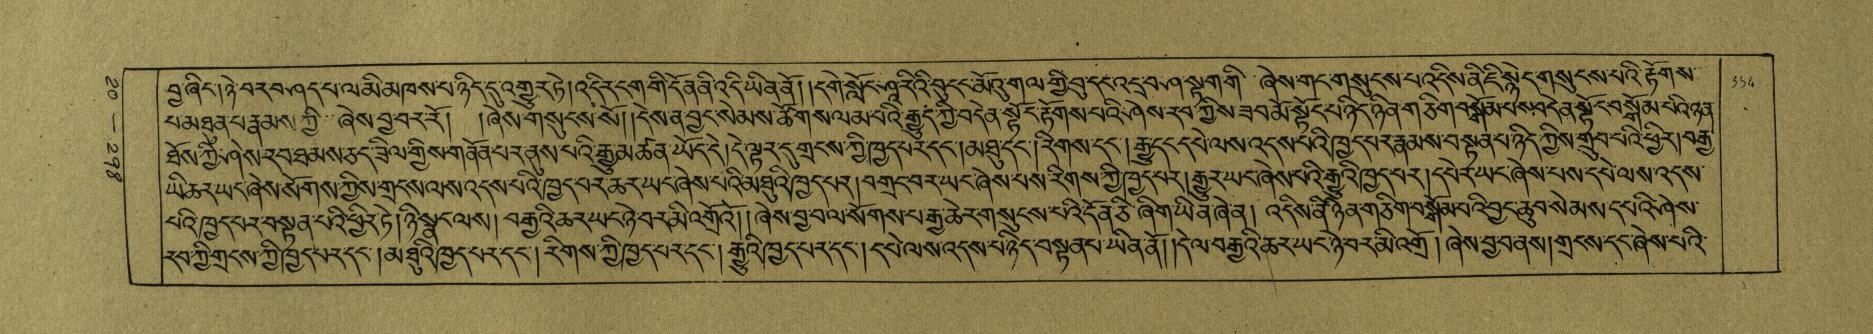བྱ་ཞིང་། ཉེ་བར་བཤད་པ་ལ་མི་མཁས་པ་ཉིད་དུ་འགྱུར་ཏེ། འདིར་ངག་གི་དོན་ནི་འདི་ཡིན་ནོ། །དགེ་སློང་ཤཱ་རིའི་བུ་དང་མོའུ་གལ་གྱི་བུ་དང་འདྲ་བ་ཤ་སྟག་གི་ཞེས་གང་གསུངས་པ་འདིས་ནི་ཇི་སྙེད་གསུངས་པའི་རྟོགས་
པ་མཐུན་པ་རྣམས་ཀྱི་ཞེས་བྱ་བར་རོ། །ཞེས་གསུངས་སོ། །དེས་ན་བྱང་སེམས་ཚོགས་ལམ་པའི་རྒྱུད་ཀྱི་བདེན་སྟོང་རྟོགས་པའི་ཤེས་རབ་ཀྱིས་ཟབ་མོ་སྟོང་པ་ཉིད་ཉིན་གཅིག་བསྒོམ་པས་བདེན་སྟོང་བསྒོམ་པའི་ཉན་
ཐོས་ཀྱི་ཤེས་རབ་ཐམས་ཅད་ཟིལ་གྱིས་གནོན་པར་ནུས་པའི་རྒྱུ་མཚན་ཡོད་དེ། དེ་ལྟར་དུ་གྲངས་ཀྱི་ཁྱད་པར་དང་། མཐུ་དང་། རིགས་དང་། རྒྱུ་དང་དཔེ་ལས་འདས་པའི་ཁྱད་པར་རྣམས་བསྟན་པ་ཉིད་ཀྱིས་གྲུབ་པའི་ཕྱིར། བརྒྱ་
ཡི་ཆར་ཡང་ཞེས་སོགས་ཀྱིས་གྲངས་ལས་འདས་པའི་ཁྱད་པར་ཆར་ཡང་ཞེས་པའི་མཐུའི་ཁྱད་པར། བགྲང་བར་ཡང་ཞེས་པས་རིགས་ཀྱི་ཁྱད་པར། རྒྱུར་ཡང་ཞེས་པའི་རྒྱུའི་ཁྱད་པར། དཔེར་ཡང་ཞེས་པས་དཔེ་ལས་འདས་
པའི་ཁྱད་པར་བསྟན་པའི་ཕྱིར་ཏེ། ཉི་སྣང་ལས། བརྒྱའི་ཆར་ཡང་ཉེ་བར་མི་འགྲོའོ། །ཞེས་བྱ་བ་ལ་སོགས་པ་རྒྱ་ཆེར་གསུངས་པའི་དོན་ཅི་ཞིག་ཡིན་ཞེ་ན། འདིས་ནི་ཉིན་གཅིག་བསྒོམ་པའི་བྱང་ཆུབ་སེམས་དཔའི་ཤེས་
རབ་ཀྱི་གྲངས་ཀྱི་ཁྱད་པར་དང་། མཐུའི་ཁྱད་པར་དང་། རིགས་ཀྱི་ཁྱད་པར་དང་། རྒྱུའི་ཁྱད་པར་དང་། དཔེ་ལས་འདས་པ་ཉིད་བསྟན་པ་ཡིན་ནོ། །དེ་ལ་བརྒྱའི་ཆར་ཡང་ཉེ་བར་མི་འགྲོ། ཞེས་བྱ་བ་ནས། གྲངས་དང་ཞེས་པའི་